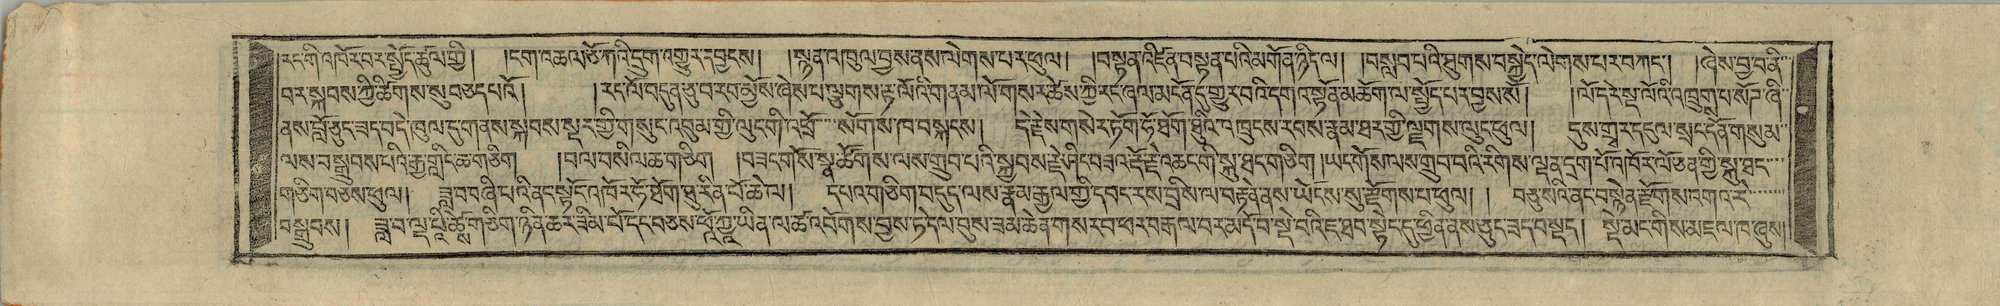རང་གི་འཁོར་བར་སྤྱོད་ཚུལ་གྱི། །ངག་འཆལ་ཅོ་ཀའི་དྲུག་འགྱུར་དབྱངས། །སྙན་འཁུལ་བྱས་ནས་ལེགས་པར་ཕུལ། །བསྟན་འཛིན་བསྟན་པའི་མགོན་ཉིད་ལ། །བསླབ་པའི་ཐུགས་བསྐྱེད་ལེགས་པར་བཀང་། །ཞེས་བྱ་བ་ནི་
བར་སྐབས་ཀྱི་ཚིགས་སུ་བཅད་པའོ། །རང་ལོ་བདུན་ཅུ་བ་རབ་མྱོས་ཞེས་པ་ལྕགས་རྟ་ལོའི་གནམ་ལོ་གསར་ཚེས་ཀྱི་རང་ཞལ་མངོན་དུ་གྱུར་བའི་དགའ་སྟོན་མཆོག་ལ་སྤྱོད་པར་བྱས་སོ། །ལོ་དེར་སྡ་ལོའི་འཁྲུགས་པ་སོགས་ཞི་
ནས་བློ་ཅུང་ཟད་བདེ་ཁུལ་དུ་གནས་སྐབས་སྔར་གྱི་གསུང་འབུམ་གྱི་ལུང་གི་འཕྲོ་སོགས་ཁ་བསྐངས། དེ་རྗེས་གསེར་ཏོག་ཧོ་ཐོག་ཐུའི་འཁྲུངས་རབས་རྣམ་ཐར་གྱི་ལྗགས་ལུང་ཕུལ། དུས་གྲྭར་དངུལ་སྲང་དོན་གསུམ་
ལས་བསྒྲུབས་པའི་རྒྱ་གླིང་ཆ་གཅིག །བལ་བསིལ་ཆ་གཅིག །བཟང་གོས་སྣ་ཚོགས་ལས་གྲུབ་པའི་སྐྱབས་རྗེ་ཤིང་བཟའ་རྡོ་རྗེ་འཆང་གི་སྐུ་ཐང་གཅིག །ཡང་གོས་ལས་གྲུབ་པའི་རིགས་ལྡན་དྲག་པོ་འཁོར་ལོ་ཅན་གྱི་སྐུ་ཐང་
གཅིག་བཅས་ཕུལ། ཟླ་བ་བཞི་པའི་ནང་སྟོང་འཁོར་ཧོ་ཐོག་ཐུ་རིན་པོ་ཆེ་ལ། དཔའ་གཅིག་བདུད་ལས་རྣམ་རྒྱལ་གྱི་དབང་རས་གྲིས་ལ་བརྟེན་ནས་ཡོངས་སུ་རྫོགས་པ་ཕུལ། །བཅུ་སའི་ནང་བསྙེན་རྫོགས་འགའ་རེ་
བསྒྲུབས། ཟླ་བ་ལྔ་པའི་ཚེས་གཅིག་ཉིན་ཆར་ཟིམ་པོ་དང་བཅས་ཕO་ཀྱཱ་ཡིན་ལ་ཚ་འབོགས་བྱས་ཏེ་དལ་བུས་ཟམ་ཆེན་གསར་བ་ཕར་བརྒལ་བར་མདོ་བ་སྡེ་བའི་ཇ་ཐབ་སྟེང་དུ་ཕྱིན་ནས་ཅུང་ཟད་བསྡད། སྡེ་མང་གིས་མཇལ་ཁ་ཞུས།